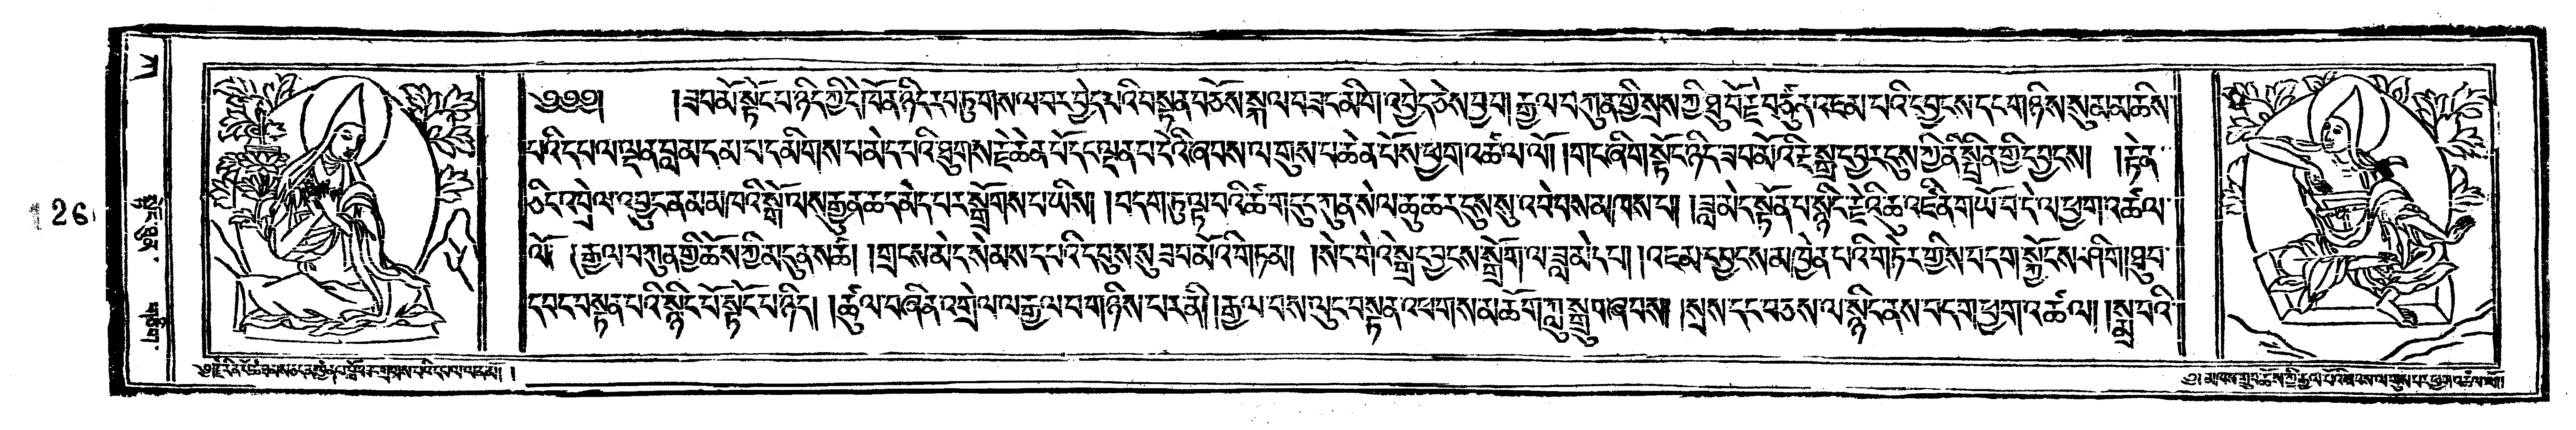༄༅༅། །ཟབ་མོ་སྟོང་པ་ཉིད་ཀྱི་དེ་ཁོ་ན་ཉིད་རབ་ཏུ་གསལ་བར་བྱེད་པའི་བསྟན་བཅོས་སྐལ་བཟང་མིག་འབྱེད་ཅེས་བྱ་བ། རྒྱལ་བ་ཀུན་གྱི་སྲས་ཀྱི་ཐུ་བོ་རྗེ་བཙུན་འཇམ་པའི་དབྱངས་དང་གཉིས་སུ་མ་མཆིས་
པའི་དཔལ་ལྡན་བླ་མ་དམ་པ་དམིགས་པ་མེད་པའི་ཐུགས་རྗེ་ཆེན་པོ་དང་ལྡན་པ་དེའི་ཞབས་ལ་གུས་པ་ཆེན་པོས་ཕྱག་འཚལ་ལོ། །གང་ཞིག་སྟོང་ཉིད་ཟབ་མོའི་རྔ་སྒྲ་དབྱར་དུས་ཀྱི་ནི་སྤྲིན་གྱི་དབྱངས། །རྟེན་
ཅིང་འབྲེལ་འབྱུང་ནམ་མཁའི་སྒོ་ལས་རྒྱུན་ཆད་མེད་པར་སྒྲོགས་པ་ཡིས། །བདག་ཏུ་ལྟ་བའི་ཚ་གདུང་ཀུན་སེལ་ཆུ་ཆར་དུས་སུ་འབེབས་མཁས་པ། །ཟླ་མེད་སྟོན་པ་སྙིང་རྗེའི་ཆུ་འཛིན་གཡོ་བ་དེ་ལ་ཕྱག་འཚལ་
ལོ༑ ༑རྒྱལ་བ་ཀུན་གྱི་ཆོས་ཀྱི་མདུན་ས་ཆེ། །གྲངས་མེད་སེམས་དཔའི་དབུས་སུ་ཟབ་མོའི་གཏམ། །སེང་གེའི་སྒྲ་དབྱངས་སྒྲོག་ལ་ཟླ་མེད་པ། །འཇམ་དབྱངས་མཁྱེན་པའི་གཏེར་གྱིས་བདག་སྐྱོངས་ཤིག །ཐུབ་
དབང་བསྟན་པའི་སྙིང་པོ་སྟོང་པ་ཉིད། །ཚུལ་བཞིན་འགྲེལ་ལ་རྒྱལ་བ་གཉིས་པར་ནི། །རྒྱལ་བས་ལུང་བསྟན་འཕགས་མཆོག་ཀླུ་སྒྲུབ་ཞབས། །སྲས་དང་བཅས་ལ་སྙིང་ནས་བདག་ཕྱག་འཚལ། །སྨྲ་བའི་